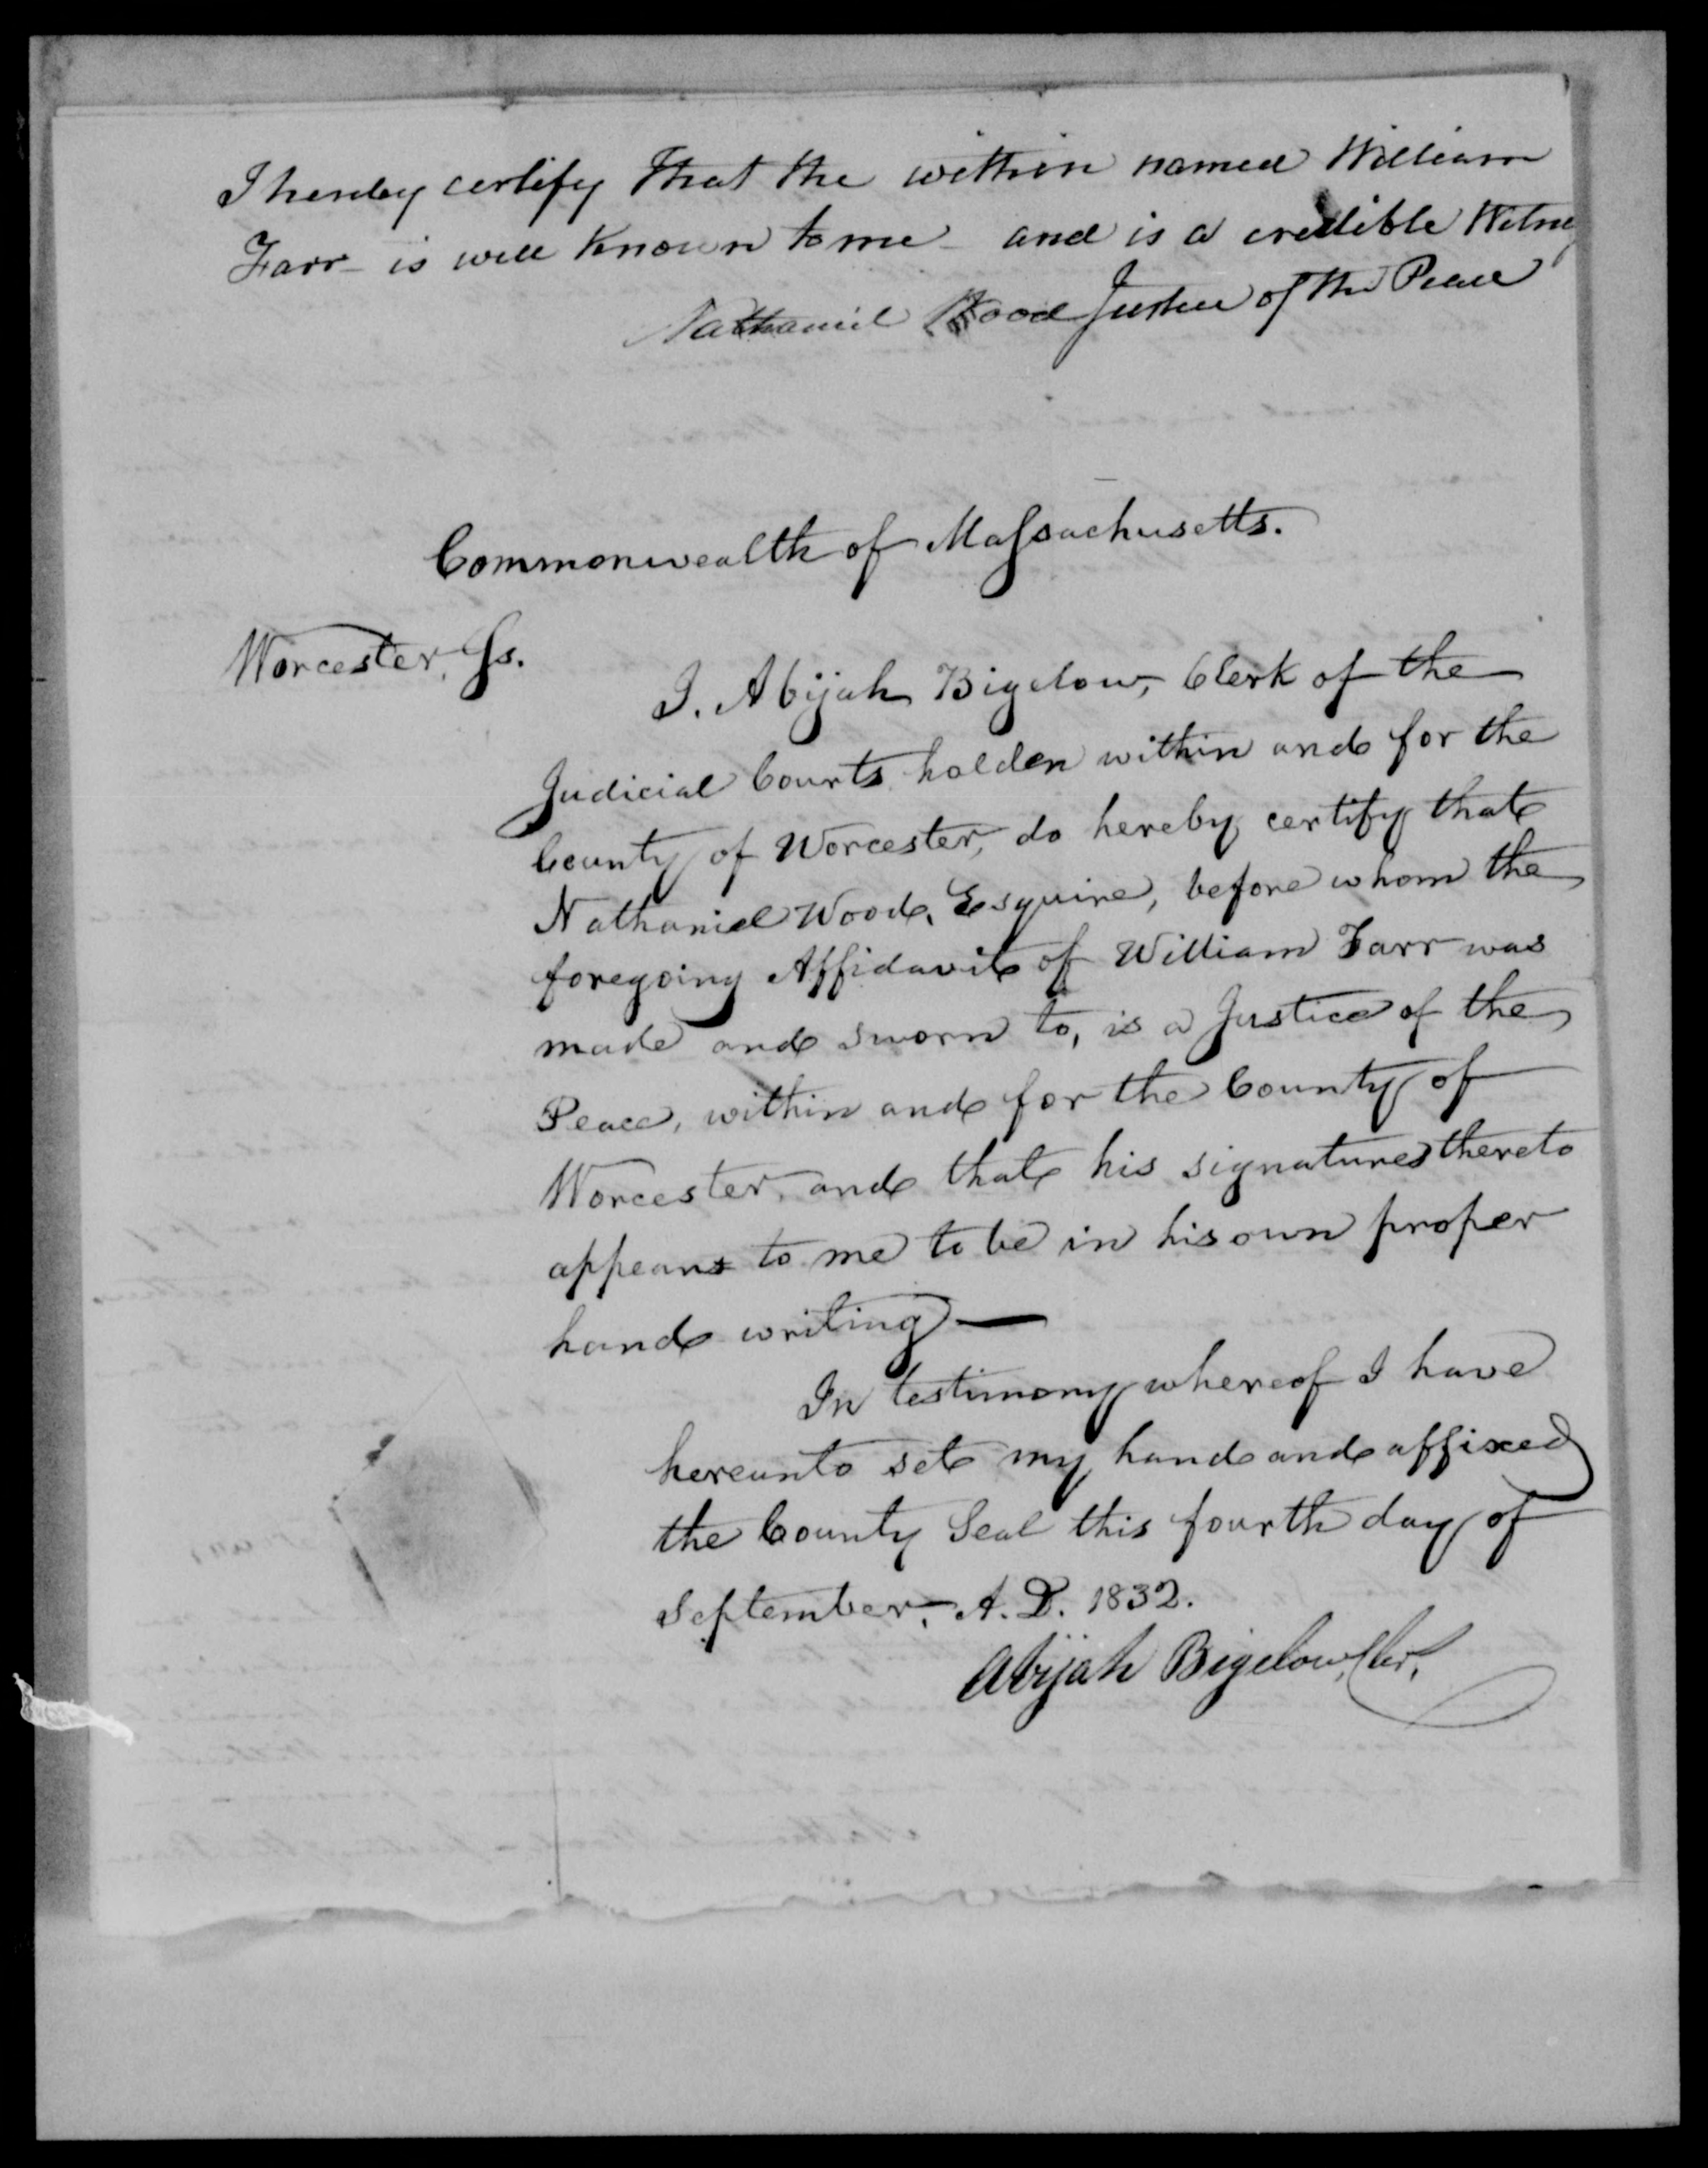I hereby certify that the within named William Farr is well known to me and is a credible witness.
Nathaniel Wood Justice of the peace.

Commonwealth of Massachusetts
Worcester SS.
I, Abijah Bigelow, Clerk of the Judicial Courts holden within and for the county of Worcester, do hereby certify that Nathaniel Wood Esquire, before whom the foregoing Affidavit of William Farr was made and sworn to, is a Justice of the peace, within and for the County of Worcester and that his signature thereto appears to me to be in his own proper hand writing.
In testimony whereof I have hereunto set my hand and affixed the County Seal this fourth day of September A. D. 1832
Abijah Bigelow, Clerk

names: Abijah Bigelow, William Farr, Nathaniel Wood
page: 48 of 66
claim: widow's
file: W. 2468, Amos Wetherbee, Mass.